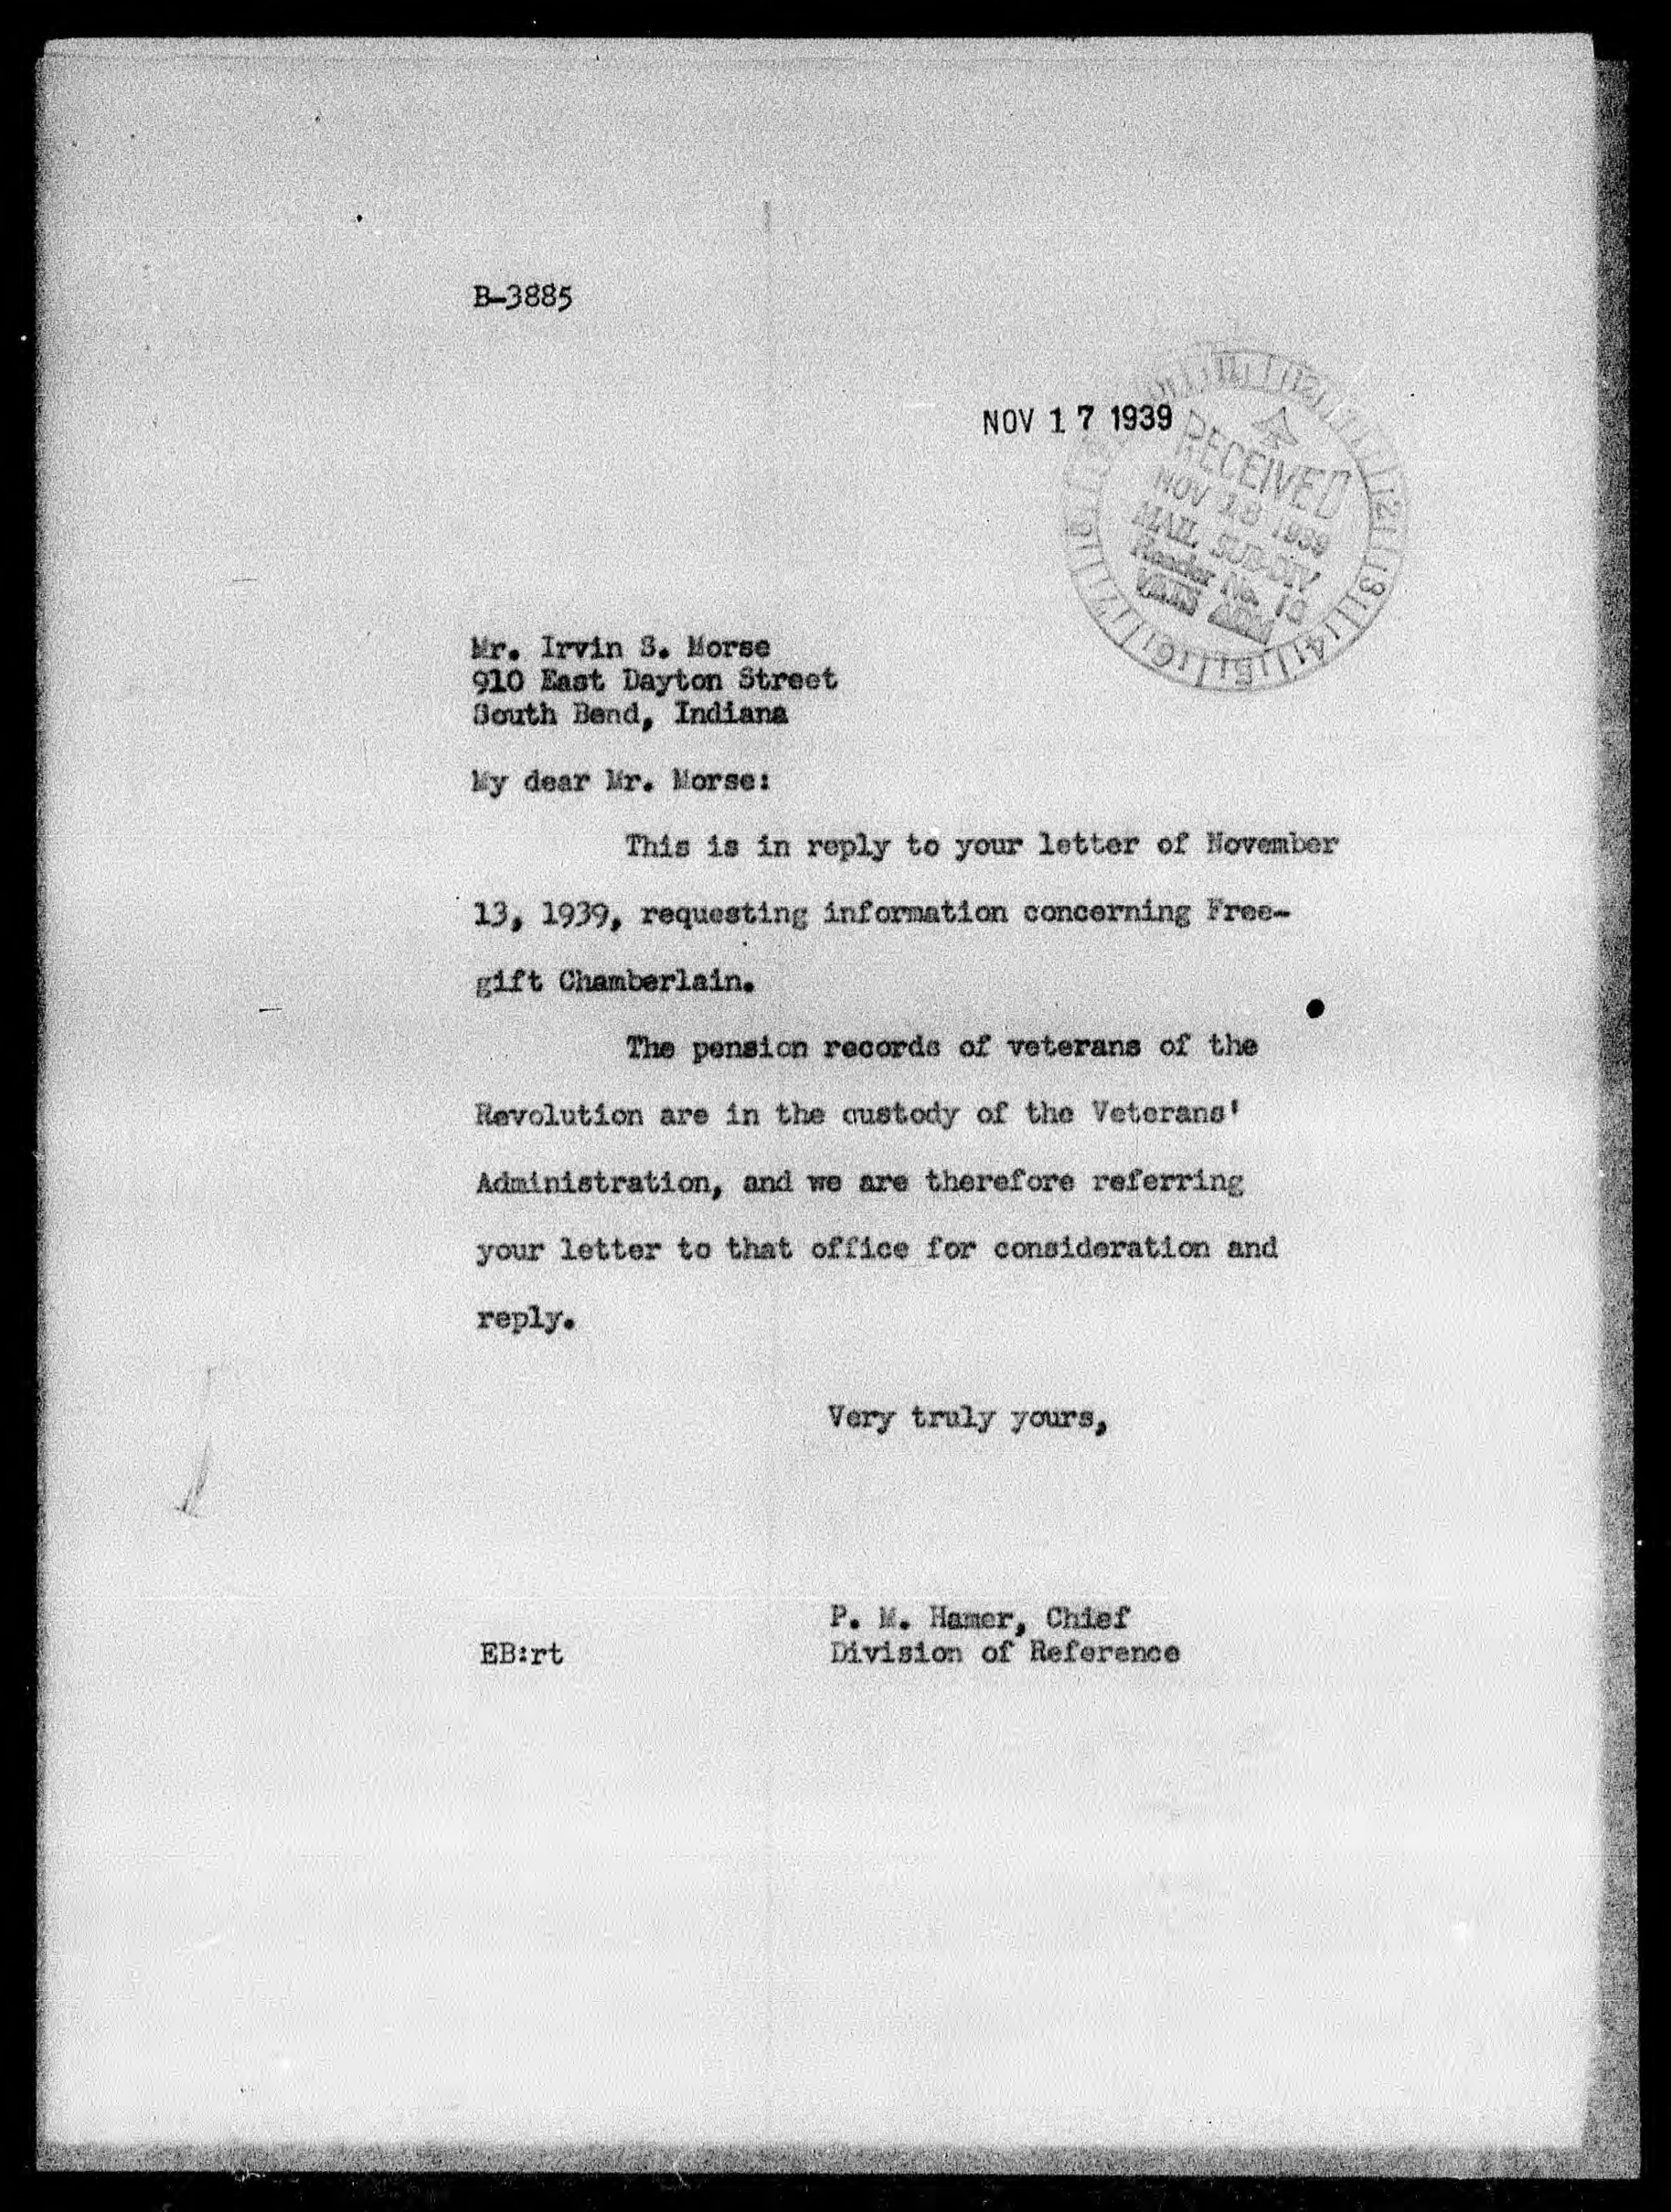B - 3885 
NOV 17 1939 
RECEIVED NOV 18 1939 MAIL SUB-DIV Reader No. 18 VETS ADM
Mr. Irvin S. Morse   
910 East Dayton Street 
South Bend, Indiana 
My dear Mr. Morse: 
This is in reply to your letter of November 13, 1939, requesting information concerning Freegift Chamberlain.   
The pension records of veterans of the Revolution are in the custody of the Veterans' Administration, and we are therefore referring your letter to that office for consideration and reply.   
Very truly yours, 
P. M. Hamer, Chief 
Division of Reference
EB:rt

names: P M Hamer, Morse, Irvin S Morse, Freegift Chamberlain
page: 13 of 18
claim: survivor's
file: S. 3151, Freegift Chamberlain, Penn.